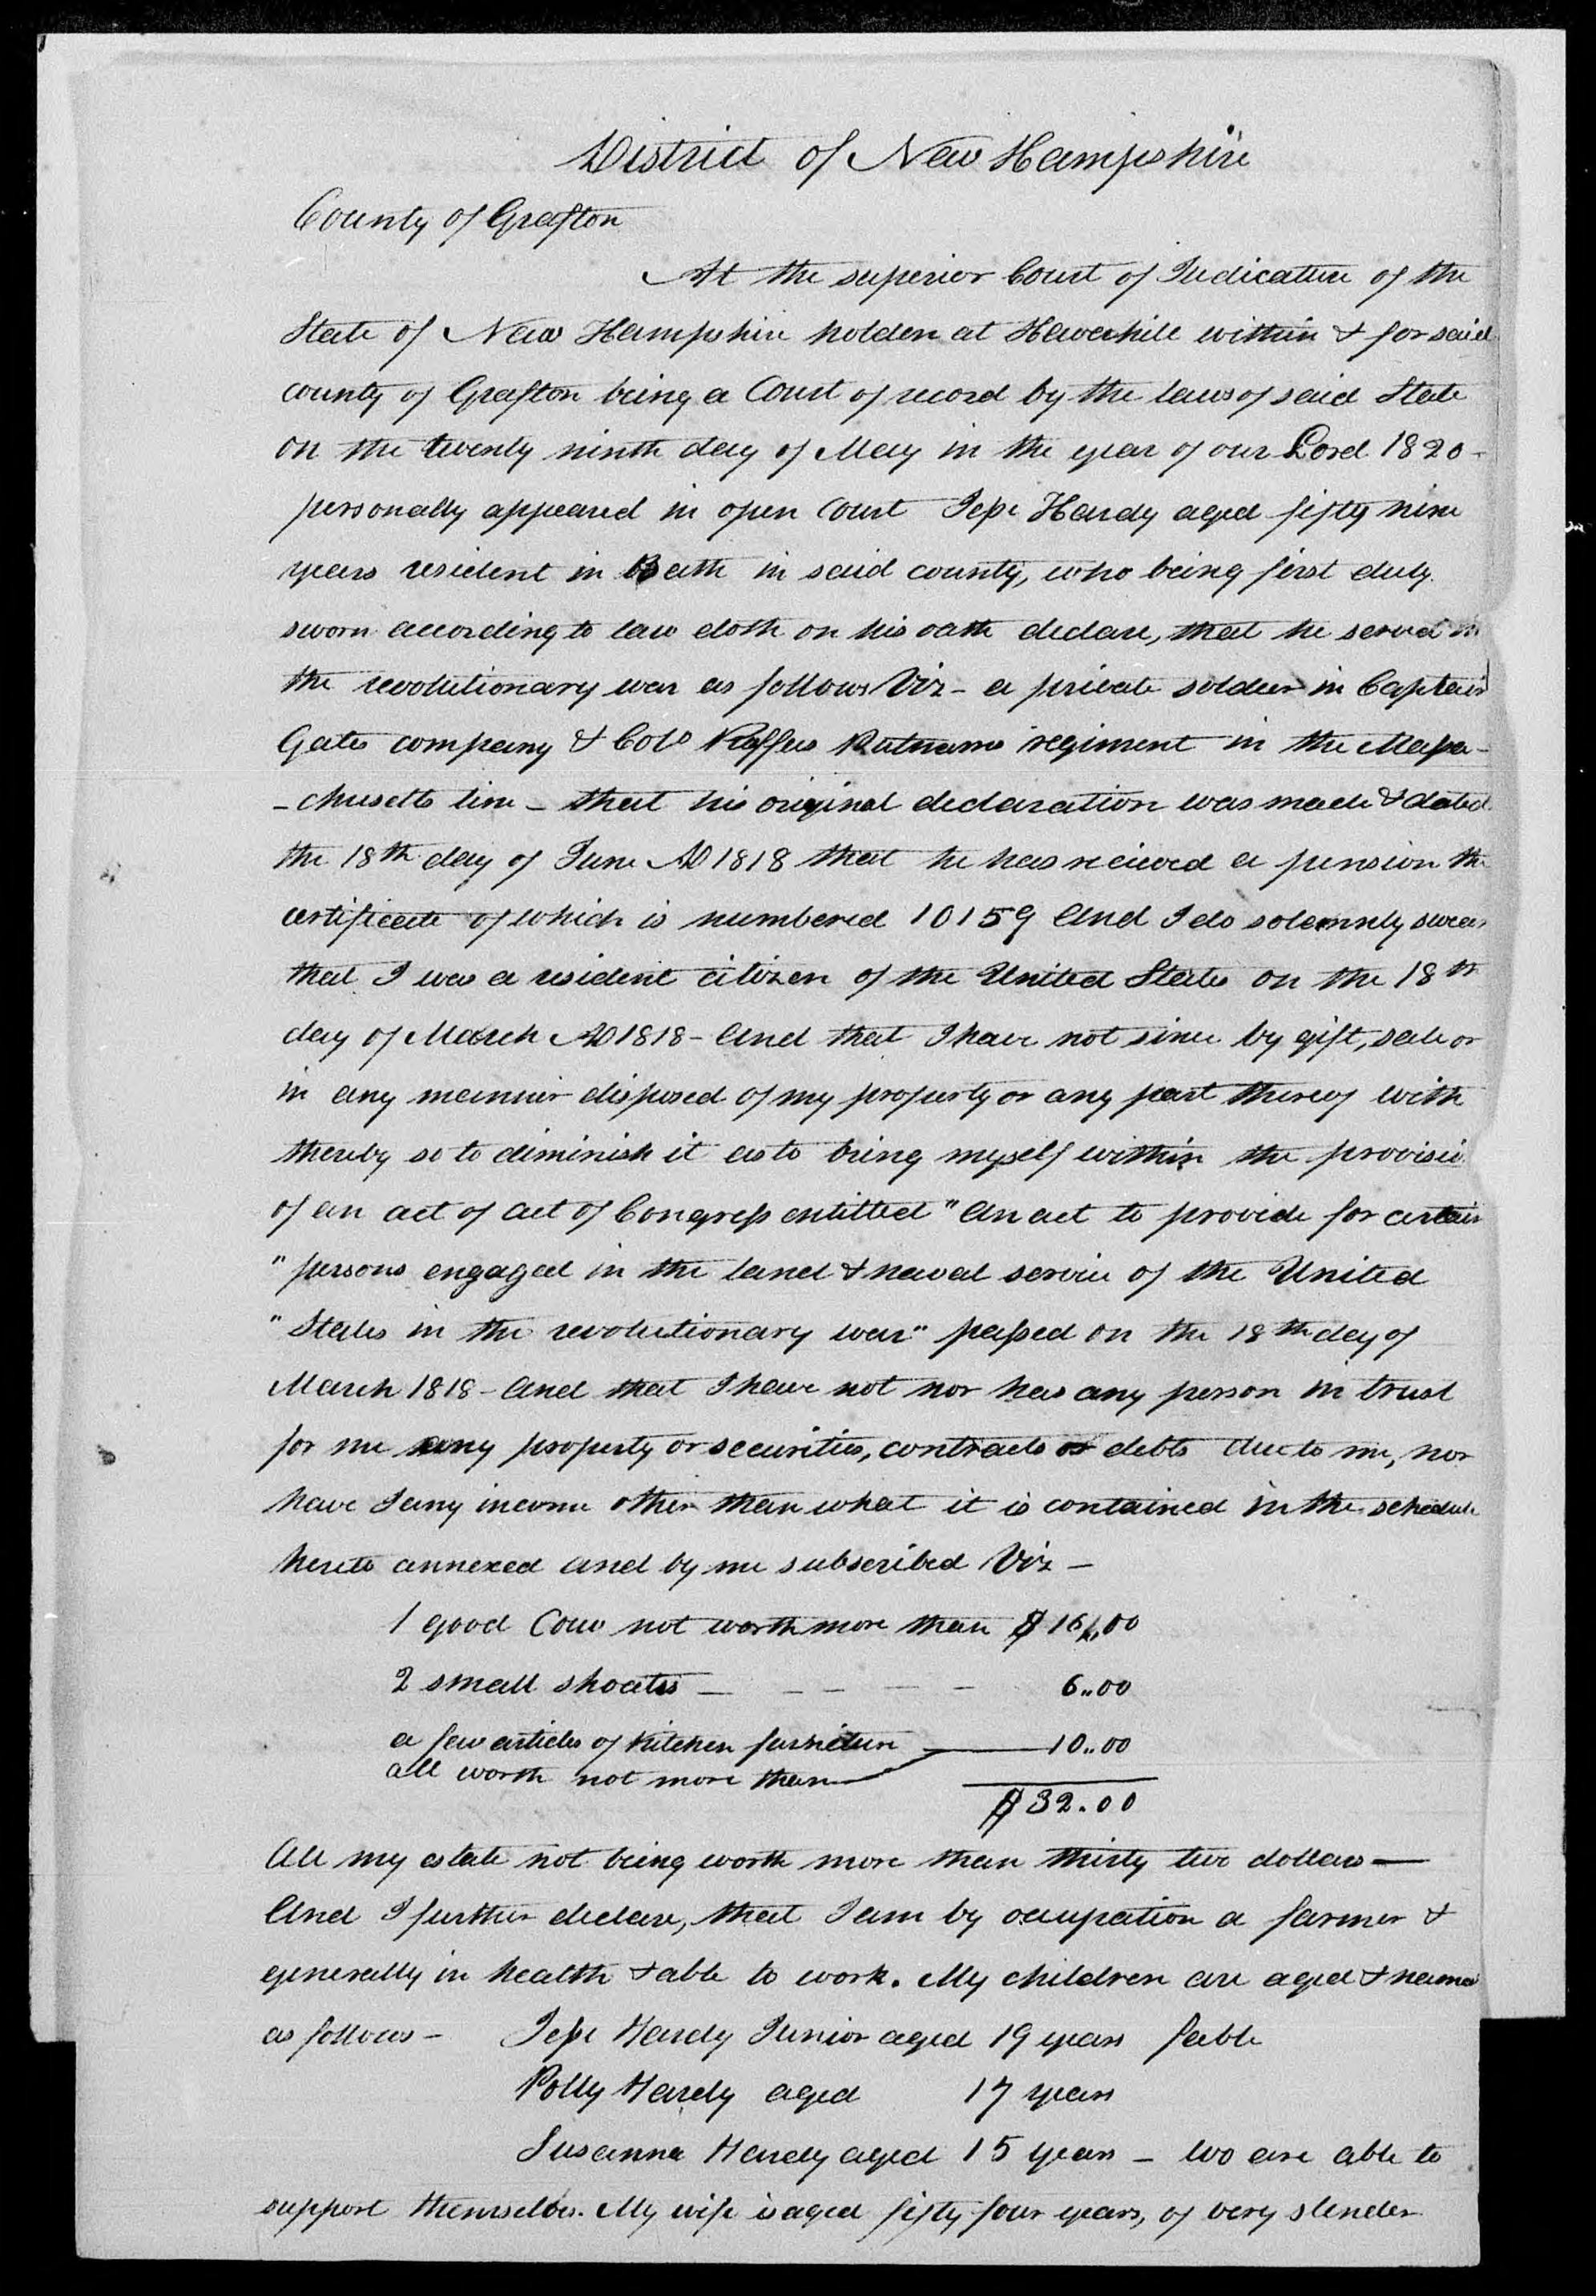District of New Hampshire
County of Grafton
At the superior court of judicature of the
State of New Hampshire holden at Haverhill written for said county of Grafton being a court of record by the laws of said state on the twenty ninth day of May in the year of our lord 1820 personally appeared in open court Jesse Hardy aged fifty nine years resident in Bath in said county, who being first duly sworn according to the law doth on his oath declare, that he served in the revolutionary war as follows [ ] - a private soldier in Captain Gates company & Col Raffers Putnams regiment in the Massachusetts line that his original declaration was made & dated the 18th day of June AD 1818 that he has recieved a pension that certifide of which is numbered 10159 and I do solemnly swear that I was a resident citizen of the United States on the 18th day of March AD 1818 - and that I have not since by gift, deed or in any measure disposed of my property or any part thereof with thereby so to diminish it as to bring myself within the provisions of an act of act of Congress entitled "An act to provide for certain " persons engaged in the land & naval service of the United States in the revolutionary war" passed on the 18th day of March 1818 - and that I have not nor has any person in trust for me any property or securities, contracts or debts due to me, nor have I any income other than what it is contained in this schedule hereto annexed and by me subscribed [ ] -

1 good cow not worth more than $16.00
2 small shoates -- 6.00
a few articled of kitchen furniture -- 10.00
all worth not more than -- $ 32.00

All my estate not being worth more than thirty two dollars - and I further declare, that I am by occupation a farmer & generally in health & able to work.  My children are ages & named as follows -
Jesse Hardy Junior aged 19 years / able
Polly Hardy aged 17 years
Susanne Hardy aged 15 years - who are able to support themselves.  My wife aged fifty four years, of very slender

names: Jesse Hardy, Polly Hardy, Jesse Hardy, Susanna Hardy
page: 9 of 67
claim: widow's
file: W. 23183, Jesse Hardy, Mass.